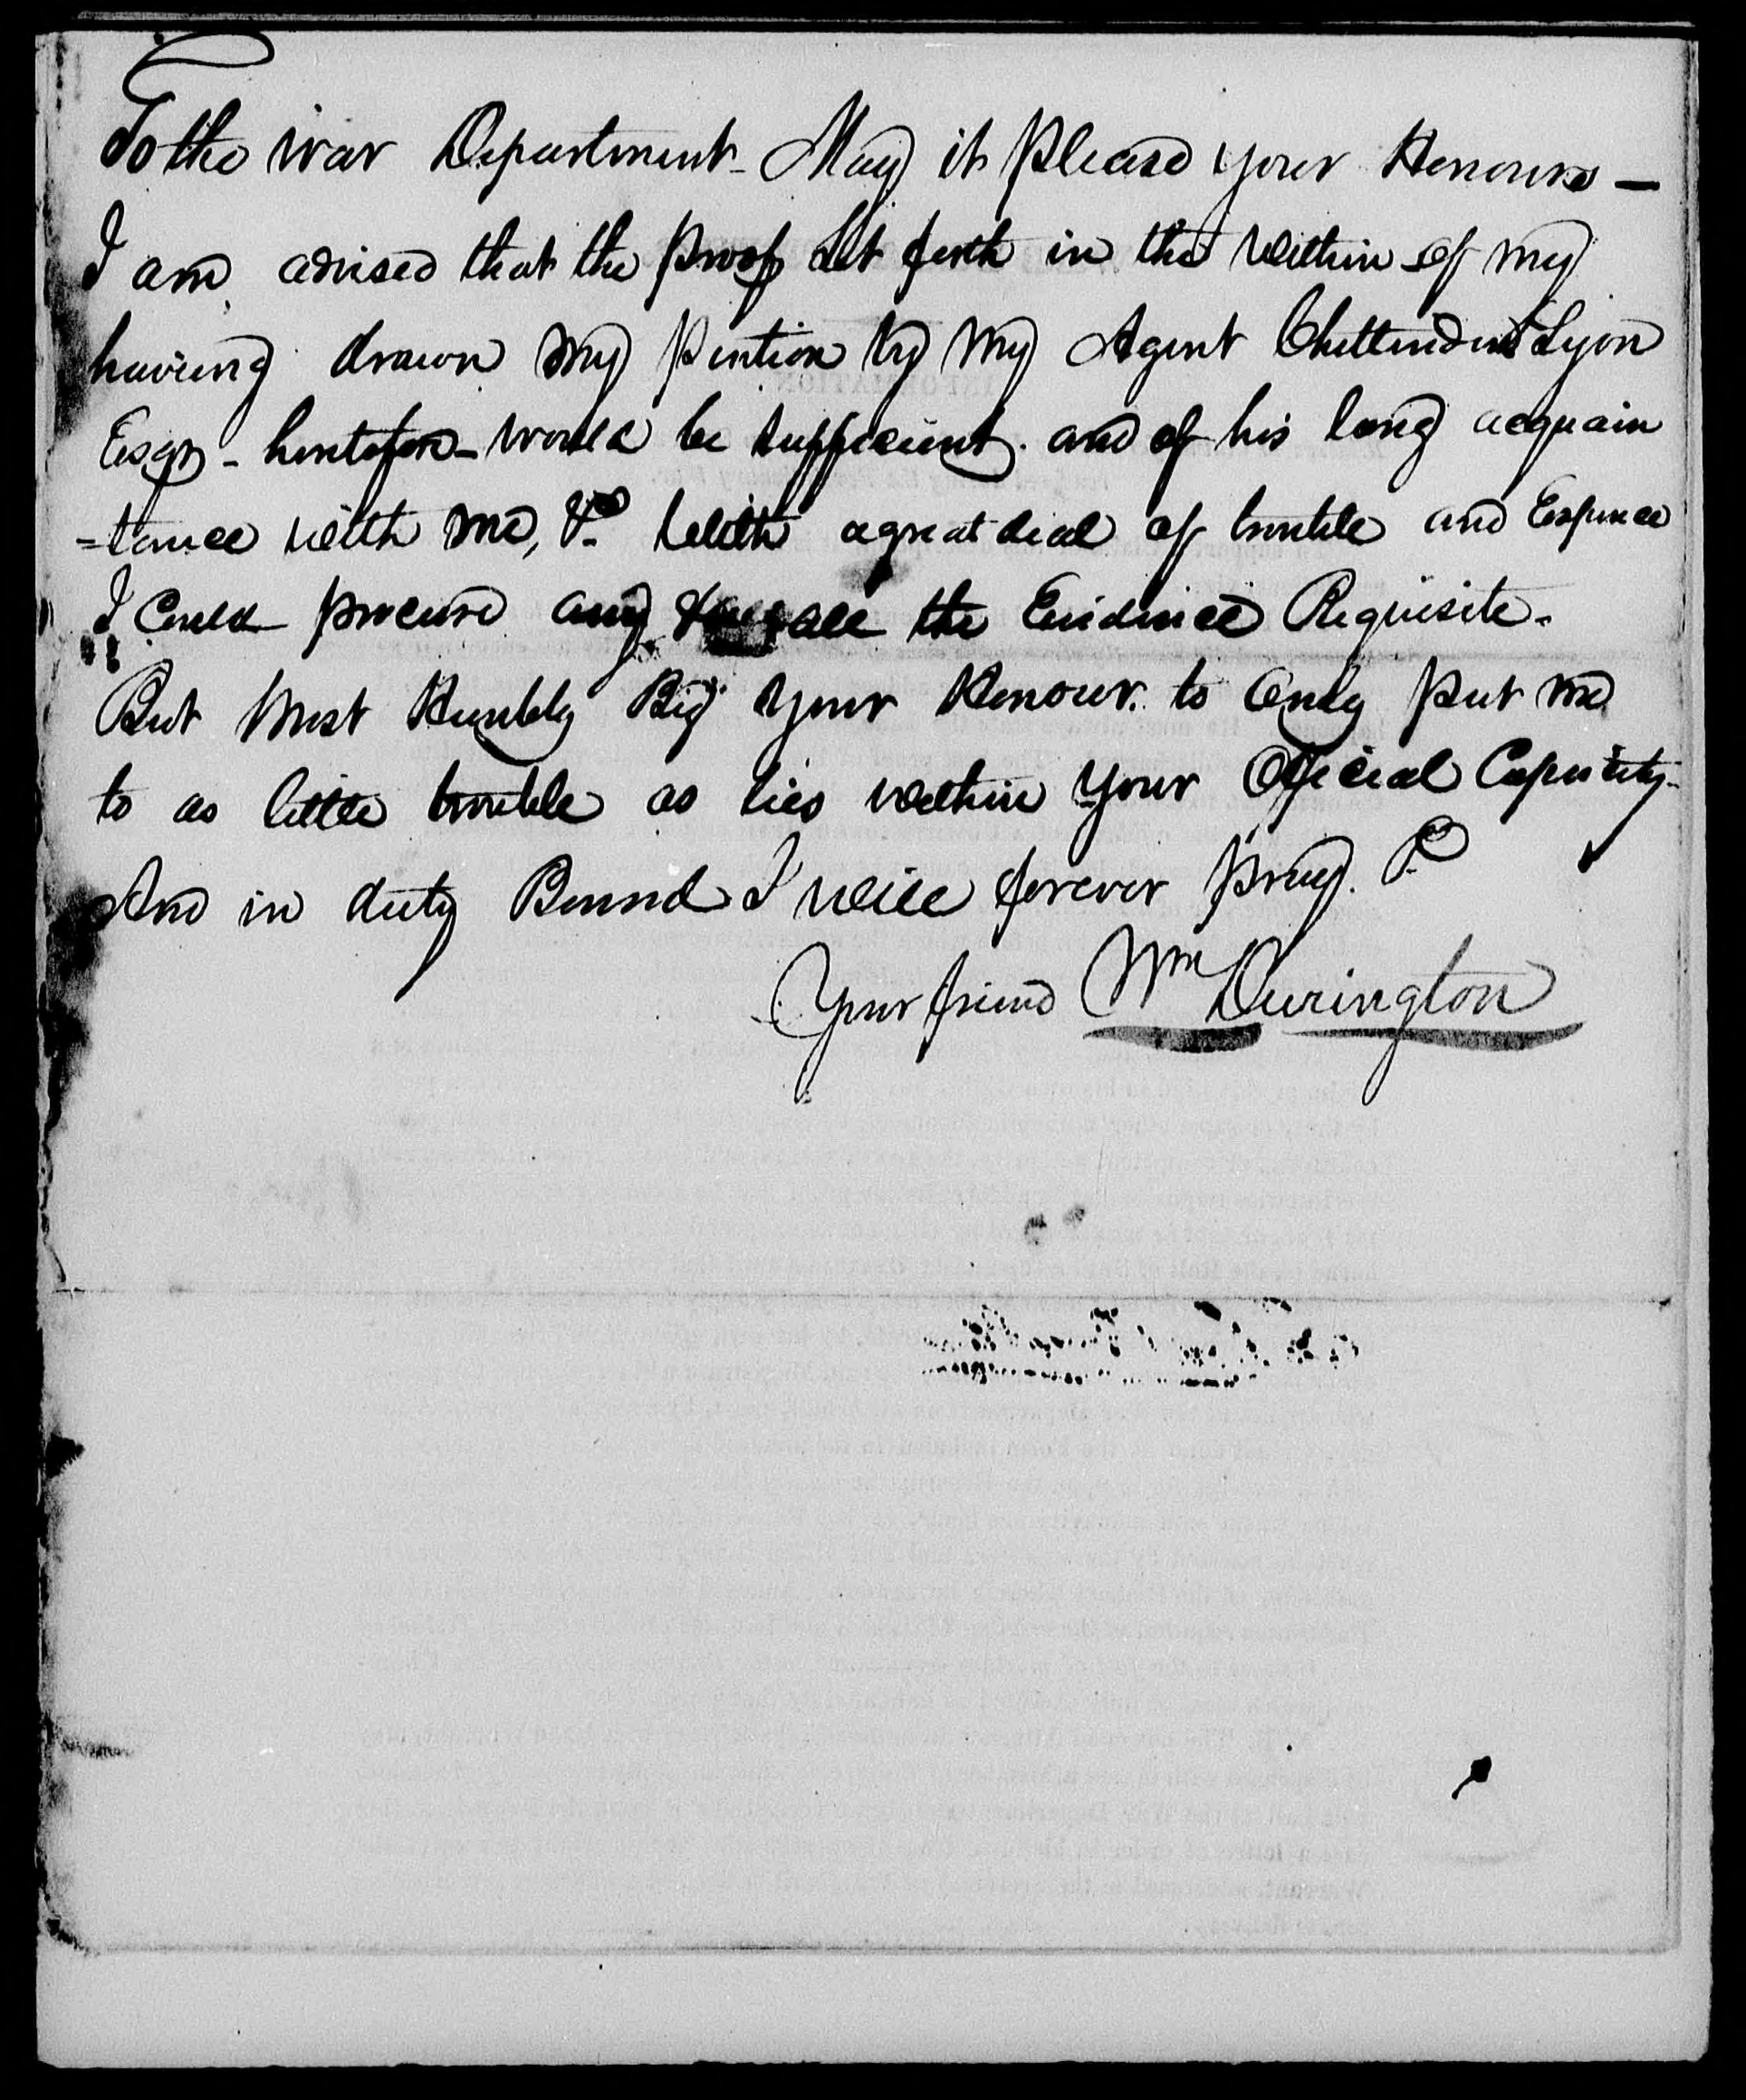To the War Department. May it Please your Honours—
I am advised that the Proof Set forth in the within of my having drawn my pention by my Agent Chittenden Lyon Esqr—heretofore would be sufficient and of his long acquaintance with me & With a great deal of trouble and expense 
I could procure any & all the Evidence Requisite. But Must Humbly Beg Your Honour to Only put me to as little trouble as lies within your Official Capacity. And in duty Bound I will forever [illegible]
Your friend Wm Durington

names: Wm Durington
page: 24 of 51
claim: widow's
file: W. 27,409, William Dunnington, Md.